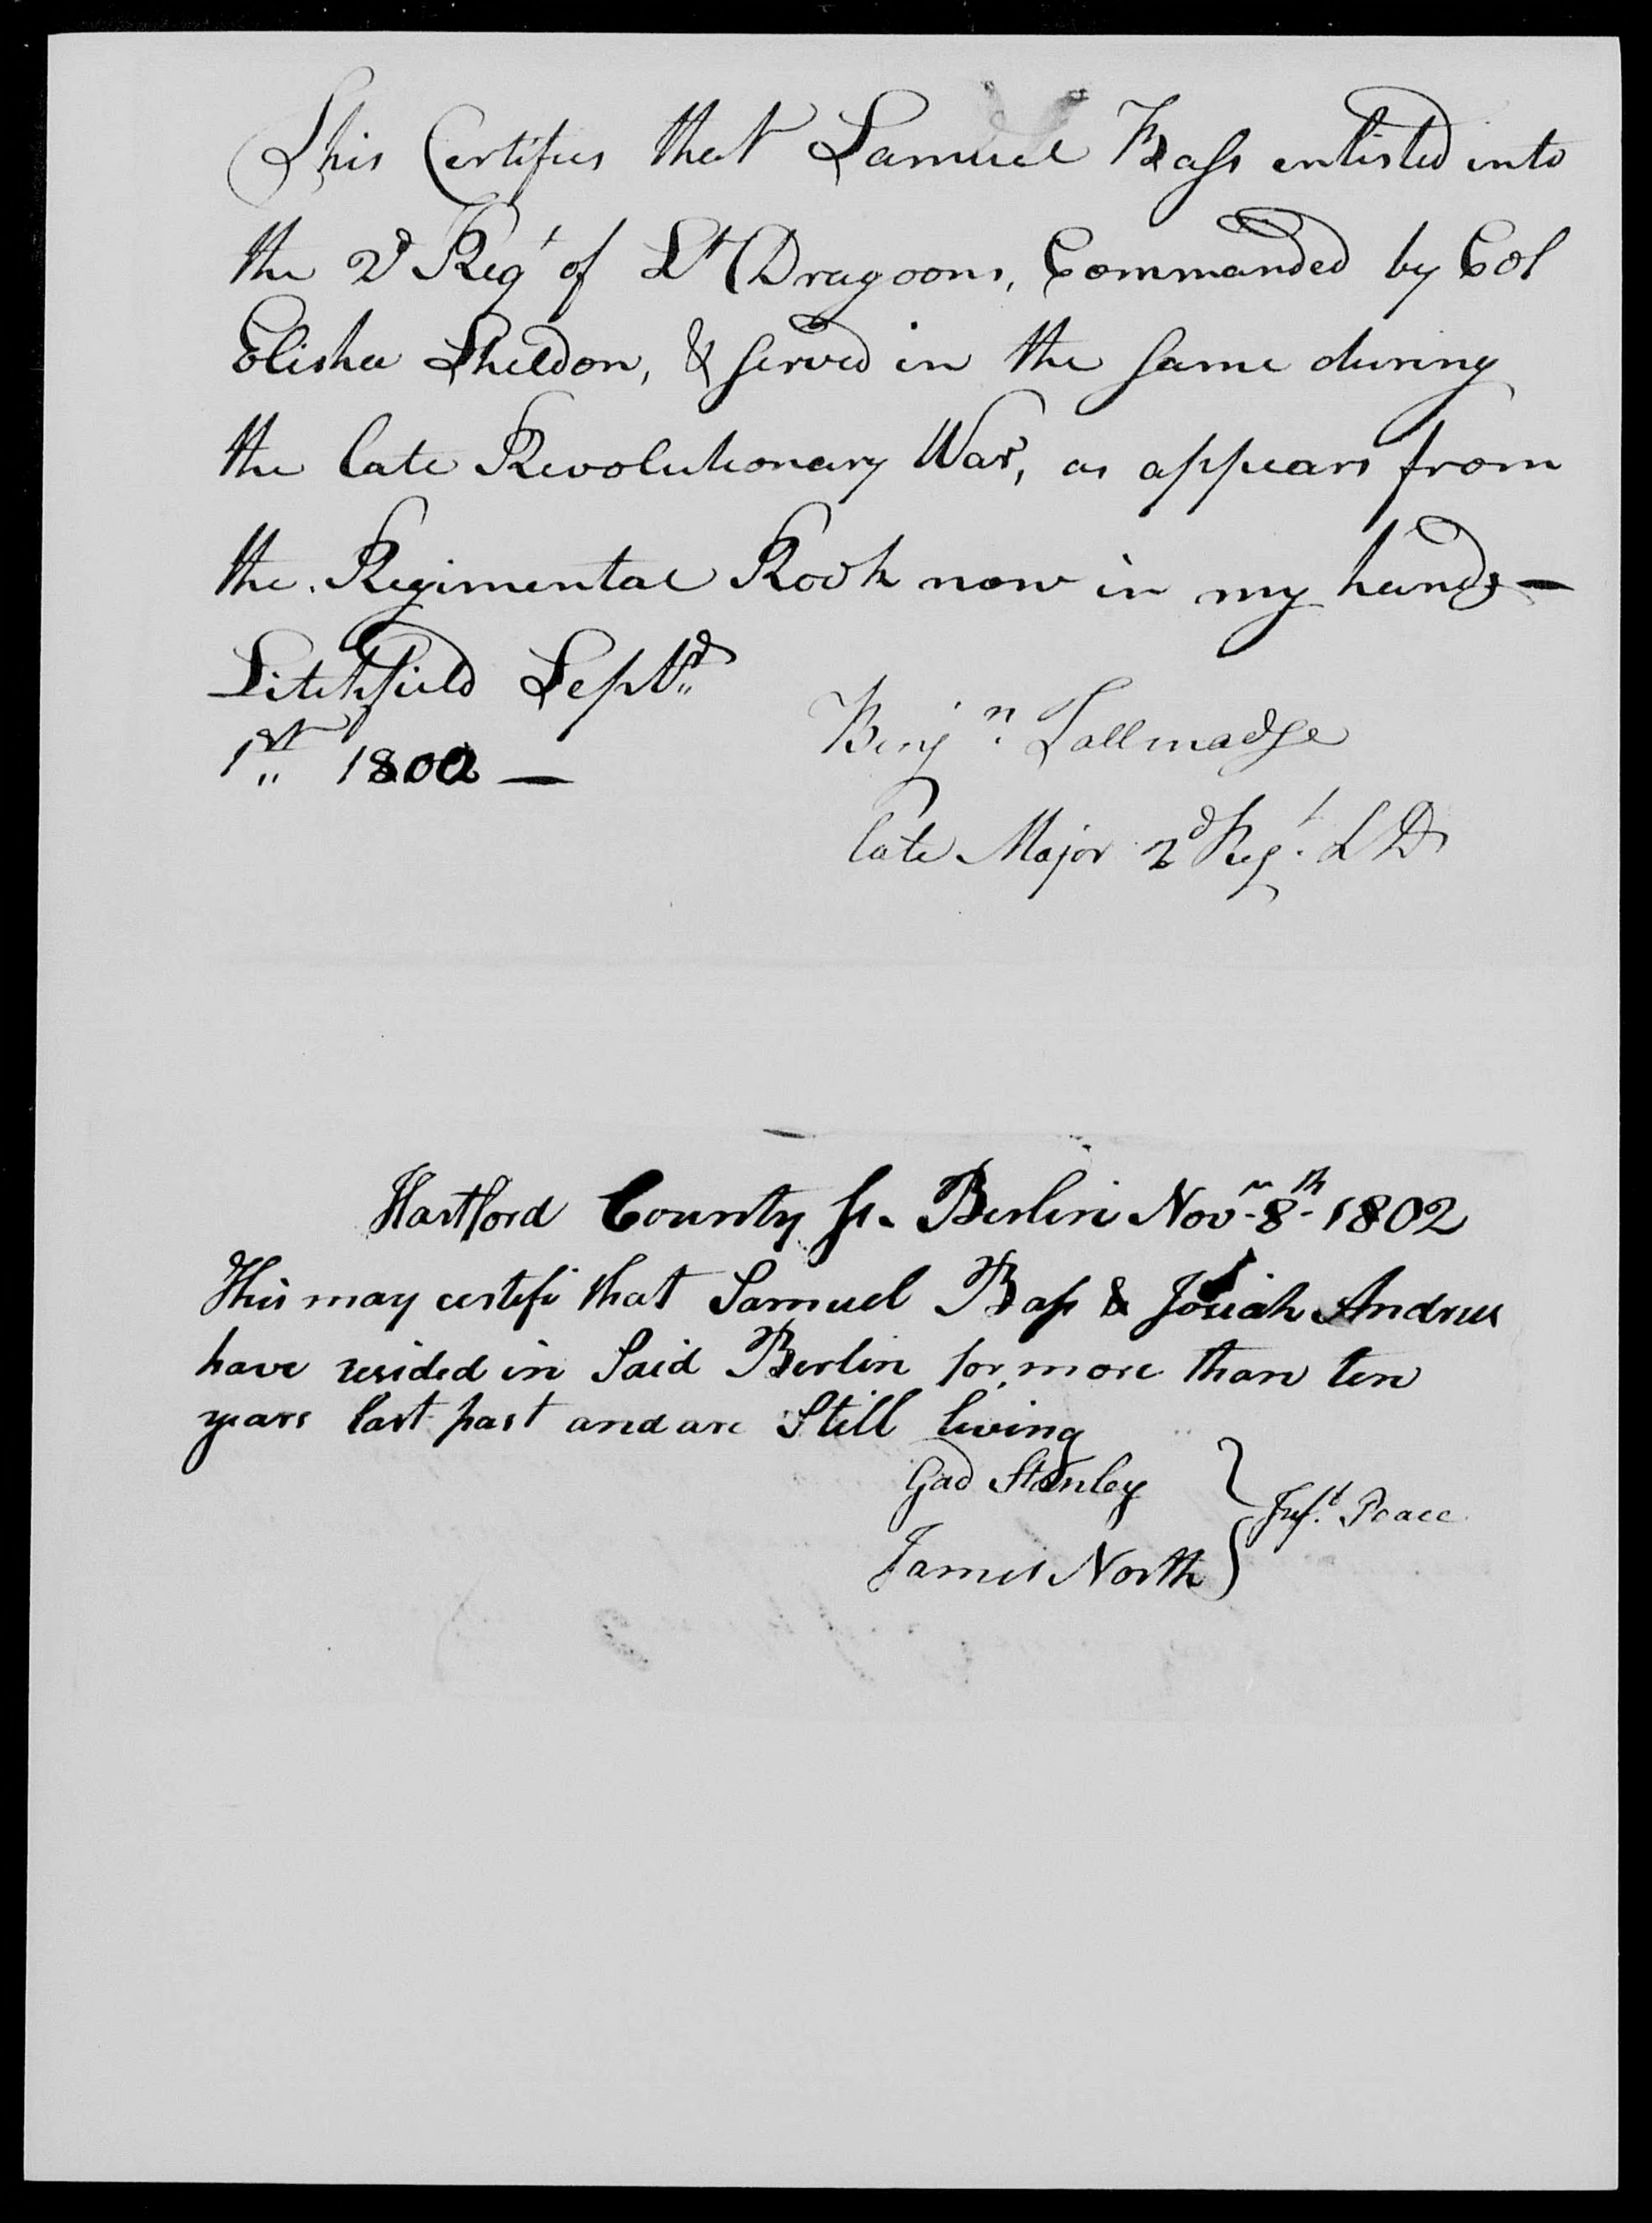This Certifies that Samuel Bass enlisted in the V Reg't of Lt Dragoons, Commanded by Col Elisha Sheldon, & Served in the Same during the late Revolutionary War, as appears from the Regimental Book now in my hands.
Litchfield Septr. 1st 1800 [02?]
[Signed] Benj. Tallmadge
late Major 2d Regt LD

Hartford County ss. Berlin Novr. 8th 1802
This may certifi that Samuel Bass & Josiah Andrus have resided in Said Berlin for more than ten years last past and are Still living
[Signed] Gad Stanley }
[Signed] James North }Just. Peace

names: Gad Stanley, Benjn Tallmadge, Elisha Sheldon, Josiah Andrus, Samuel Bass, James North, Samuel Bass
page: 2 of 9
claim: bounty land warrant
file: B. L. Wt. 87-100, Samuel Bass, Continental